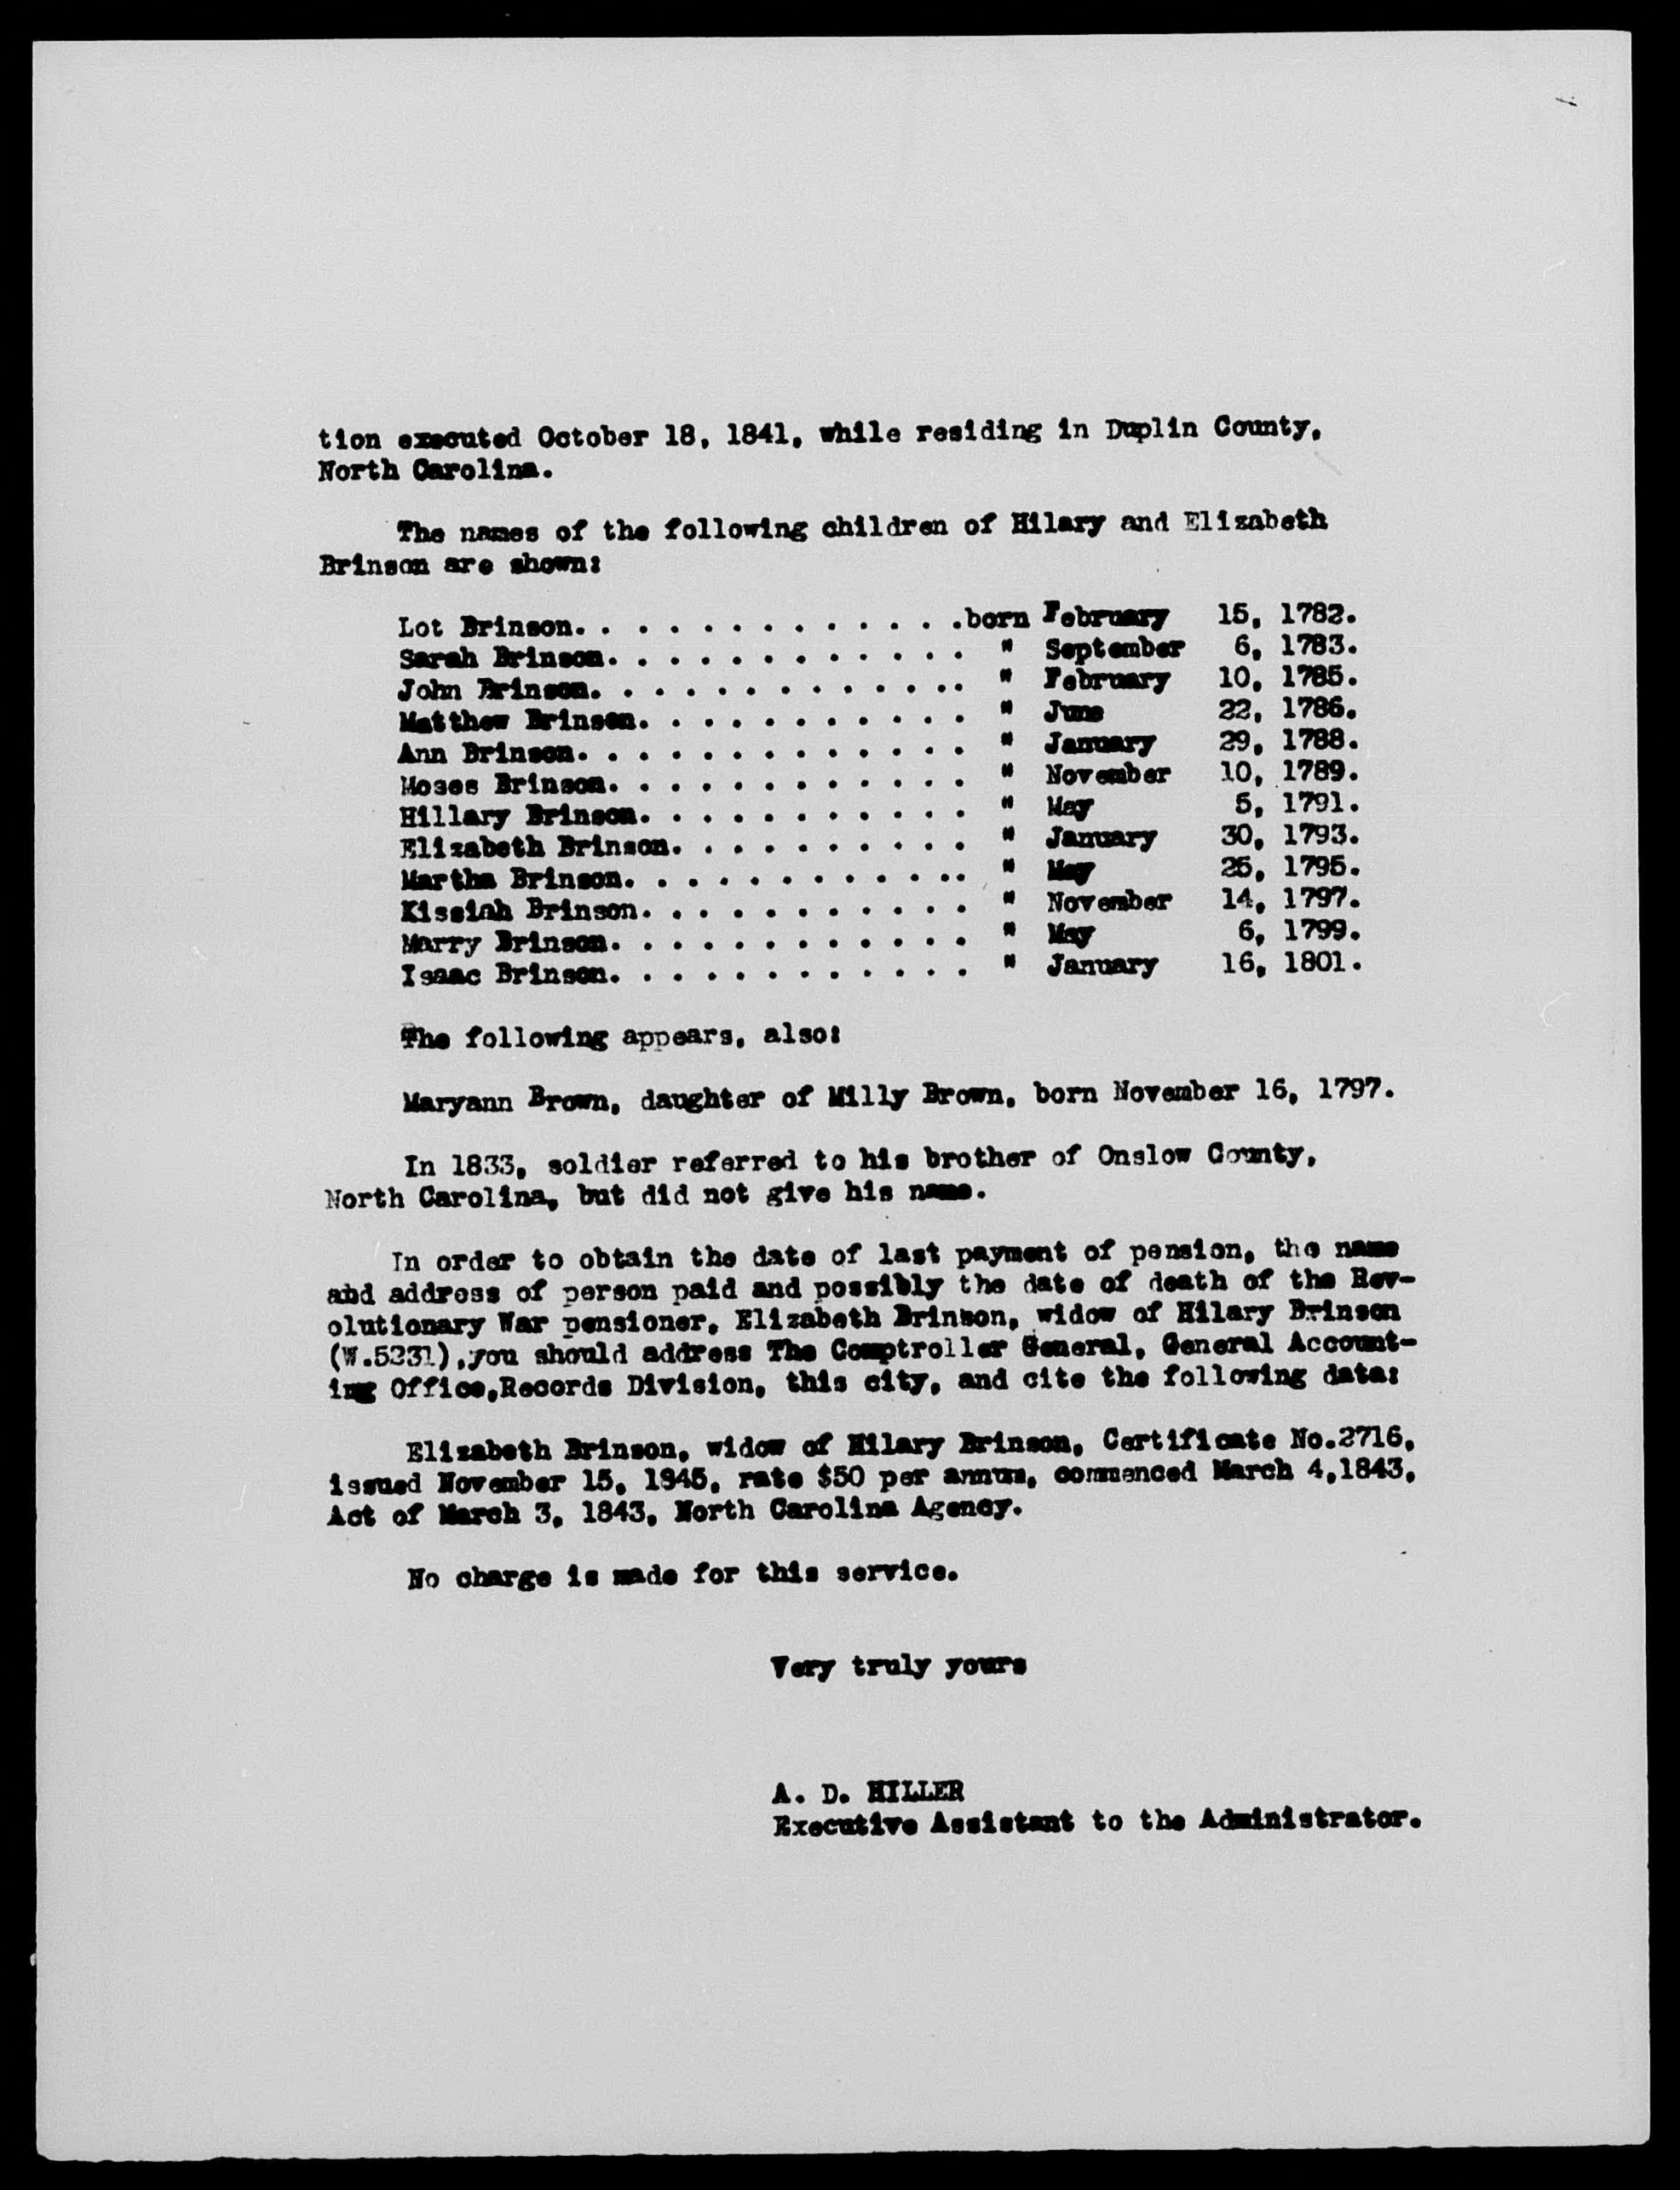tion executed October 18, 1841, while residing in Duplin County, North Carolina.

The names of the following children of Hilary and Elizabeth Brinson are shown:

Lot Brinson..................born February 15, 1782
Sarah Brinson................"     September 6, 1783
John Brinson................."      February 10 1785
Matthew Brinson ......... "     June 22, 1786
Ann Brinson...................."    January 29, 1788
Moses Brinson..............."     November 10, 1789
Hillary Brinson................"     May 5, 1791
Elizabeth Brinson ............"   January 30, 1793
Martha Brinson ..............."   May 25, 1795
Kissiah Brinson..............."    November 14, 1797
Marry Brinson................ "    May 6, 1799
Isaac Brinson.................."    January 16, 1801

The following appears, also:

Maryann Brown, daughter of Milly Brown, born November 16, 1797

In 1833, soldier referred to his brother of Onslow County, North Carolina, but did not give his name.

In order to obtain the date of last payment of pension, the name and address of person paid and possibly the date of death of the Revolutionary War pensioner, Elizabeth Brinson, widow of Hilary Brinson (W.5231) you should address the Comptroller General, General Accounting Office, Records Division, this city and cite the following data:

Elizabeth Brinson, widow of Hilary Brinson Certificate No. 2716, issued November 15, 1845, rate $50 per annum, commenced March 4, 1843 Act of March 3, 1843, North Carolina Agency.

No charge is made for this service.

Very truly yours

A.D. Hiller
Executive Assistant to the Administrator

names: John Brinson, Hillary Brinson, Elizabeth Brinson, Milly Brown, Isaac Brinson, Moses Brinson, Lot Brinson, Elizabeth Brinson, Hilary Brinson, Elizabeth Brinson, Kissiah Brinson, A D Hiller, Elizabeth Brinson, Ann Brinson, Sarah Brinson, Matthew Brinson, Martha Brinson, Hilary Brinson, Hilary Brinson, Marry Brinson, Maryann Brown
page: 15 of 38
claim: widow's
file: W. 5231, Hilary Brinson, N.C.